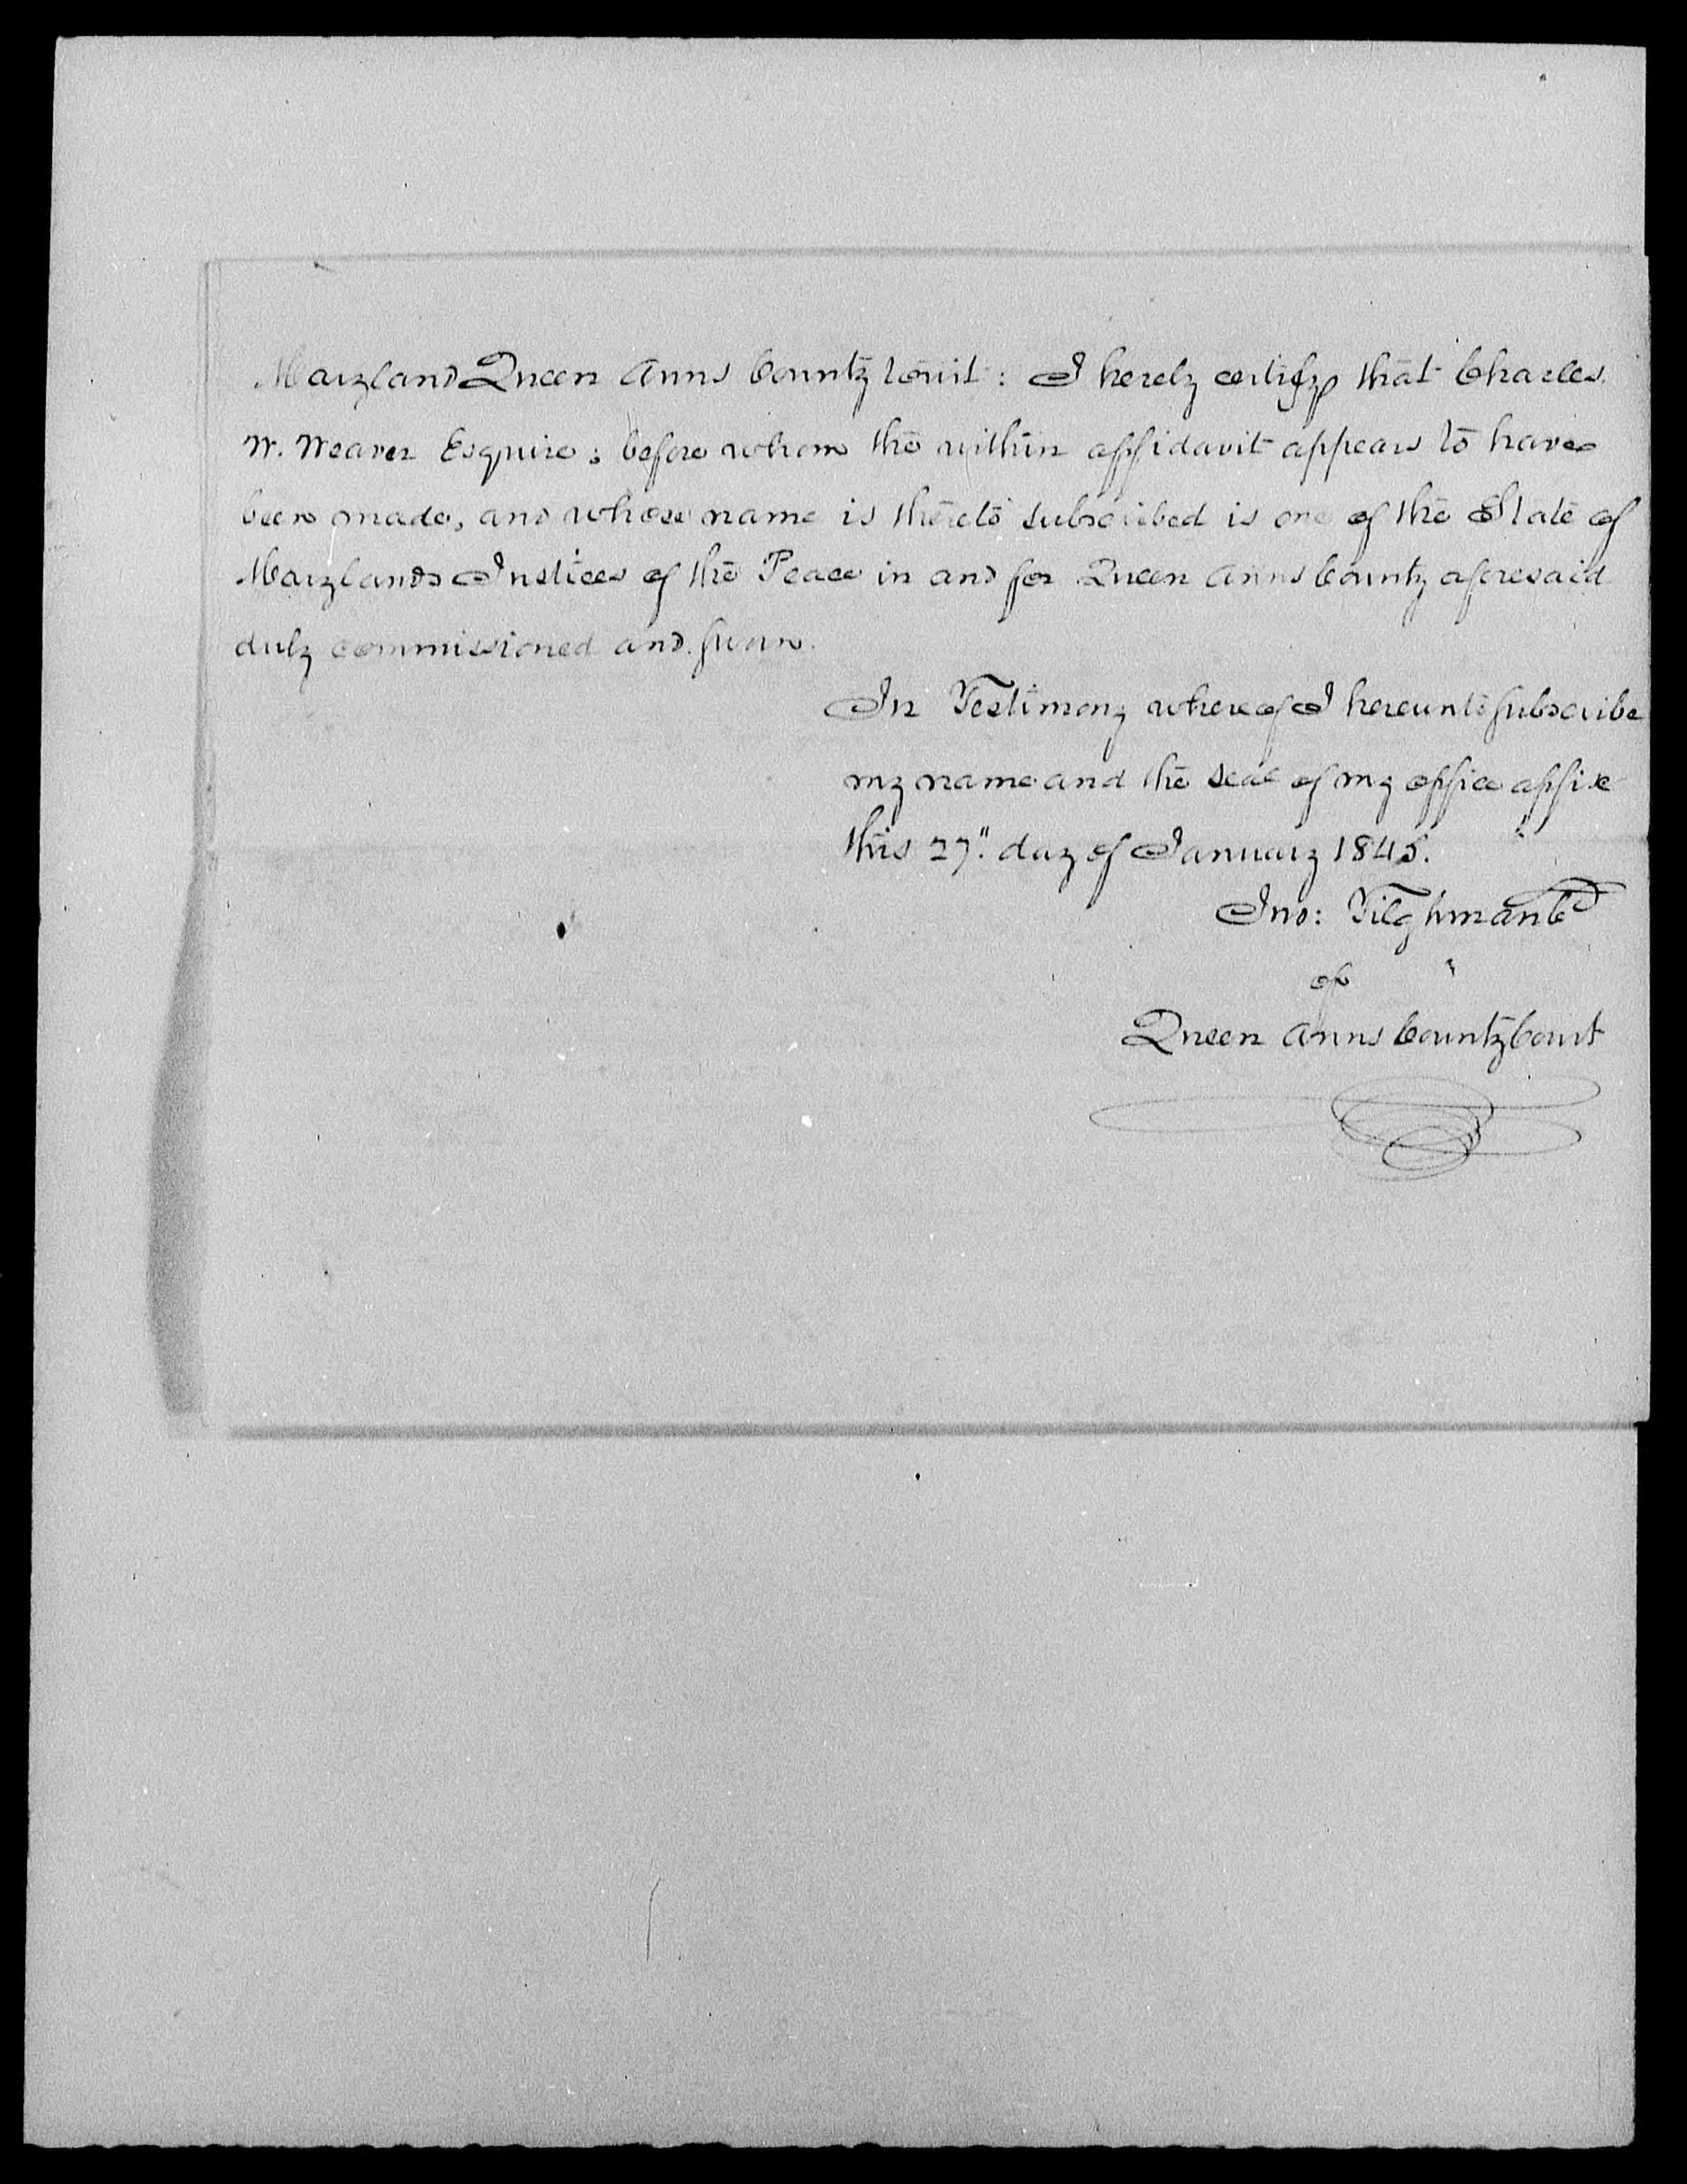Maryland Queen Anns County Court: I hereby certify that Charles W. Weaver Esquire, before whom the within affidavit appears to have been made, and whose name is thereto subscribed is one of the State of Marylands Justices of the Peace in and for Queen Anns County aforesaid duly commissioned and sworn.
In Testimony whereof I hereunto subscribe
my name and the seal of my office affix 
this 27'' day of January 1845
Jno: Tilghman 
of
Queen Anns County Court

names: Charles W Weaver, Jno Tilghman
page: 22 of 26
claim: widow's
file: W 25651, Robert Cross, Md.